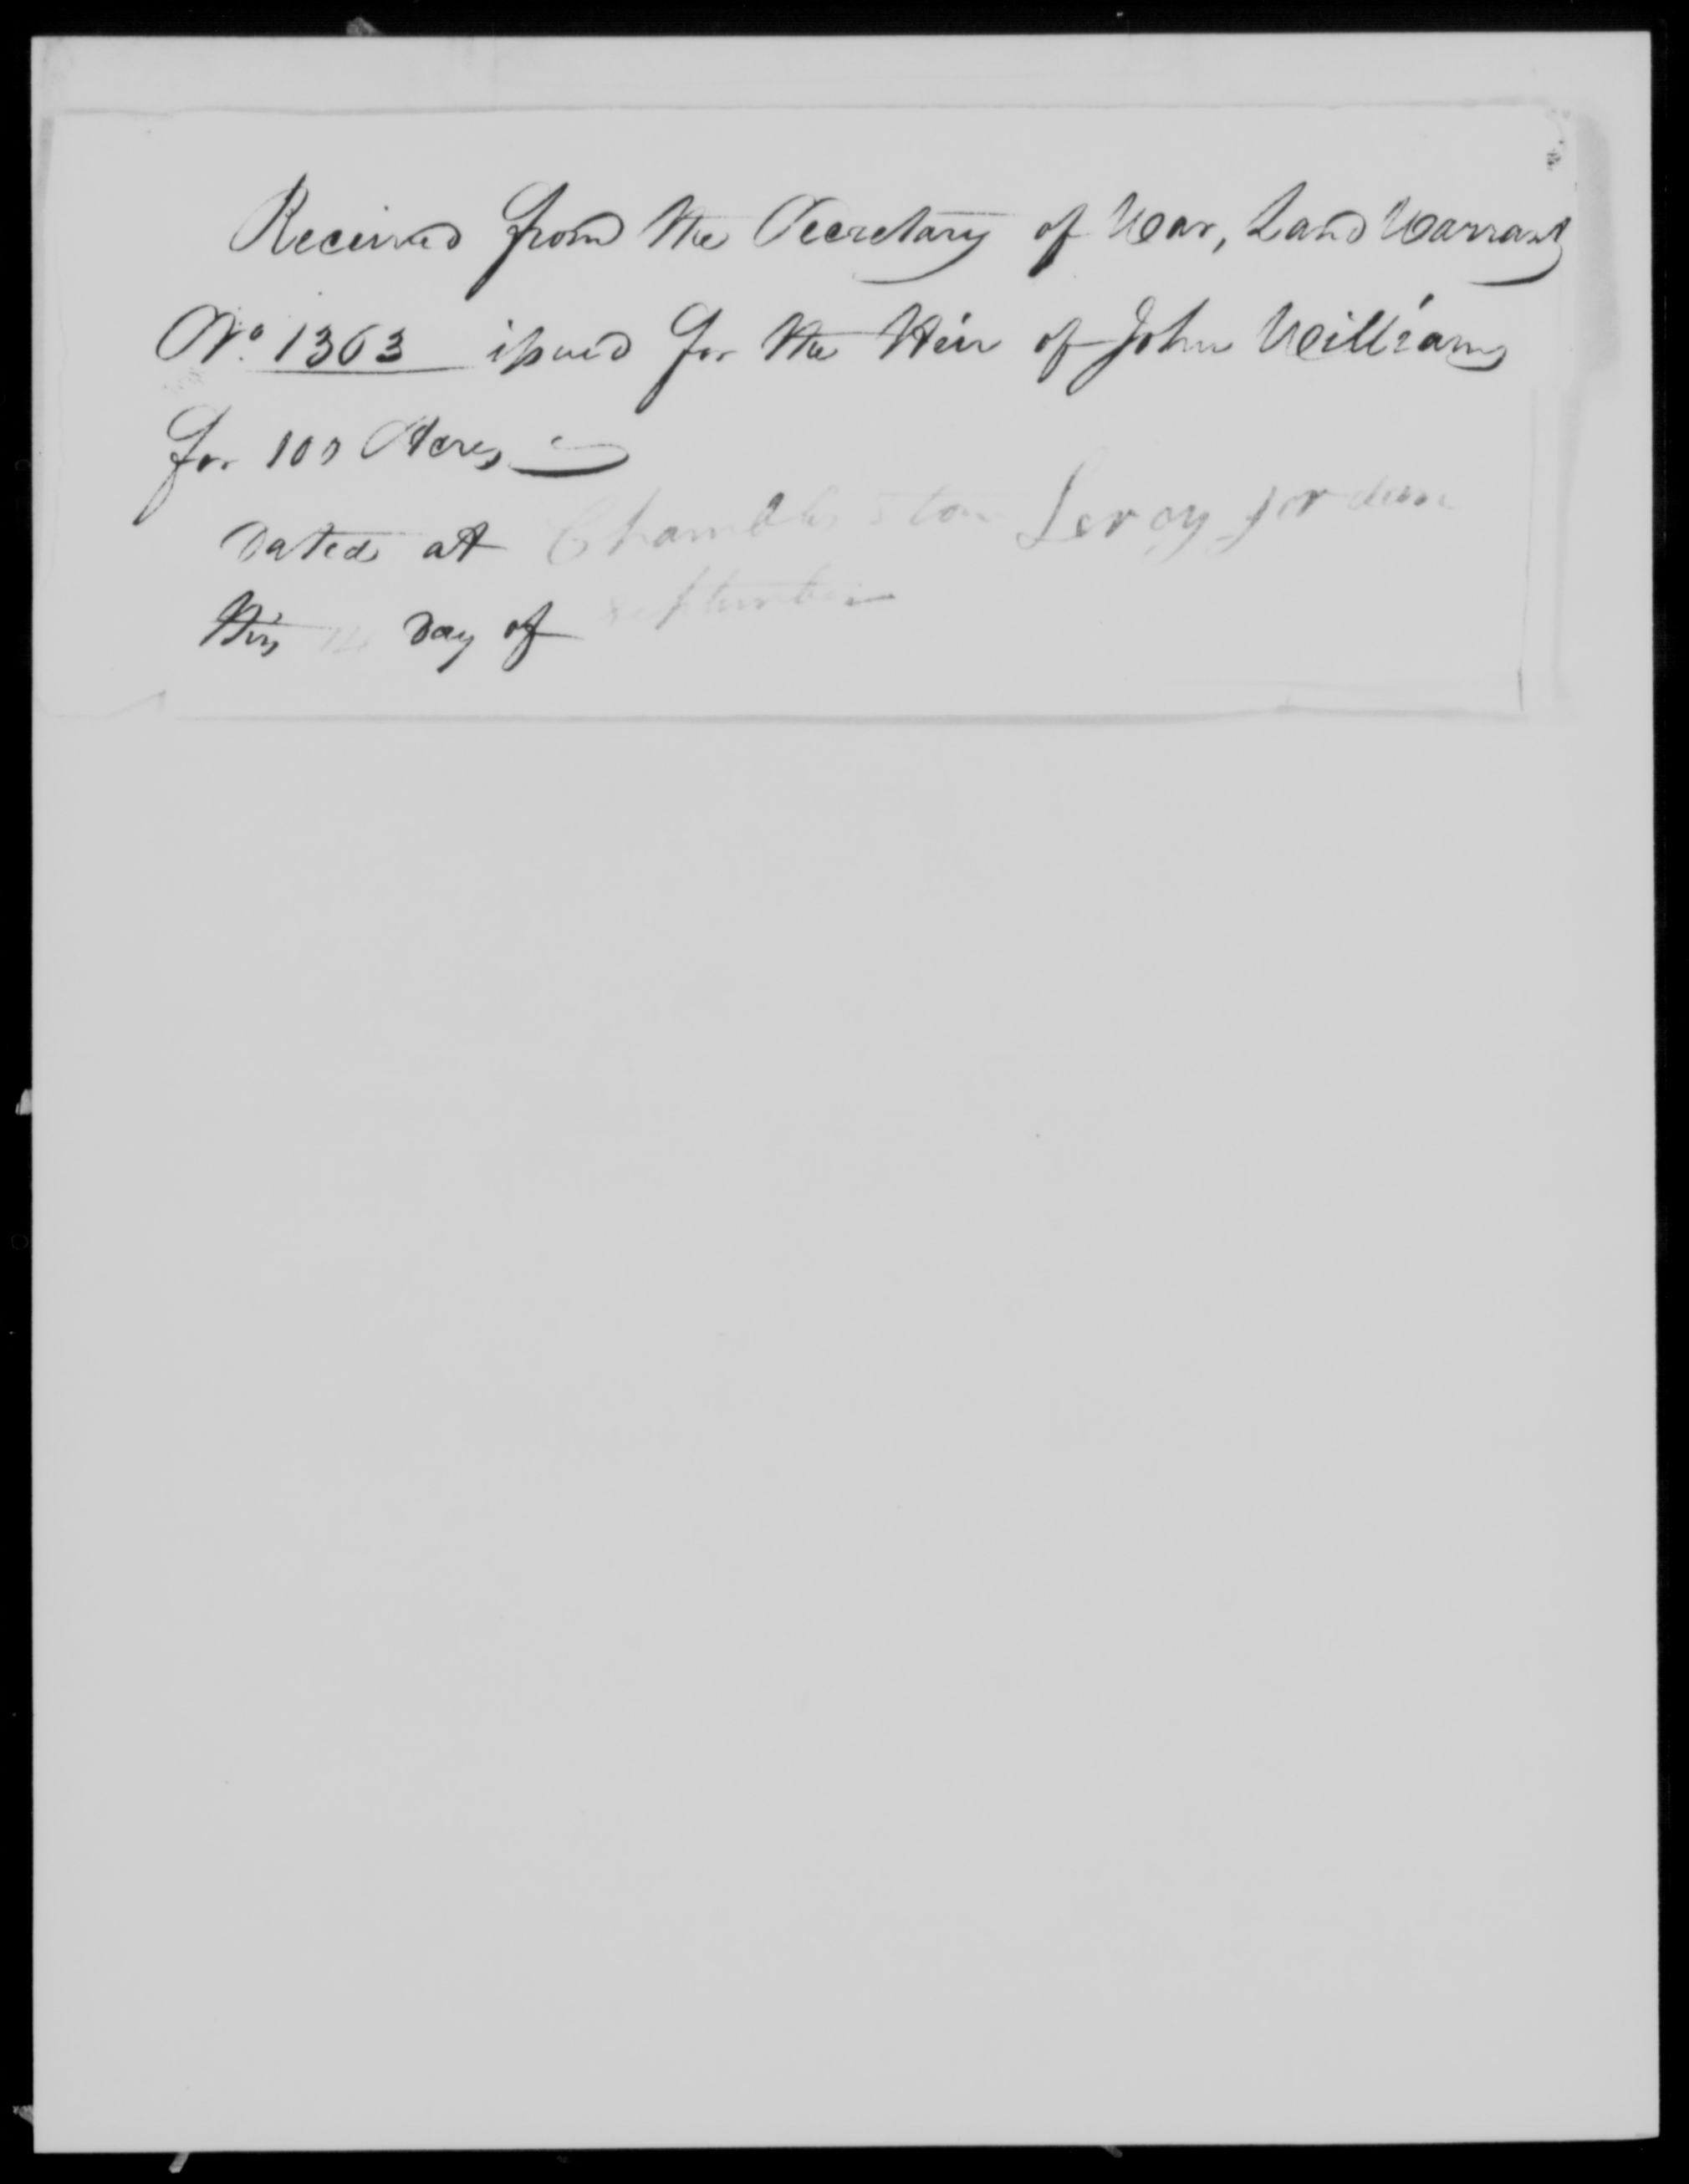Received from the Secretary of War, Land Warrant
No 1363 issued for the heir of John Williams
for 100 Acres
Dated at Charleston Leroy Jordan
this [illegible] day of September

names: John Williams, Leroy Jordan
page: 2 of 8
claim: bounty land warrant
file: B. L. Wt. 1363-100, John Williams, Md.